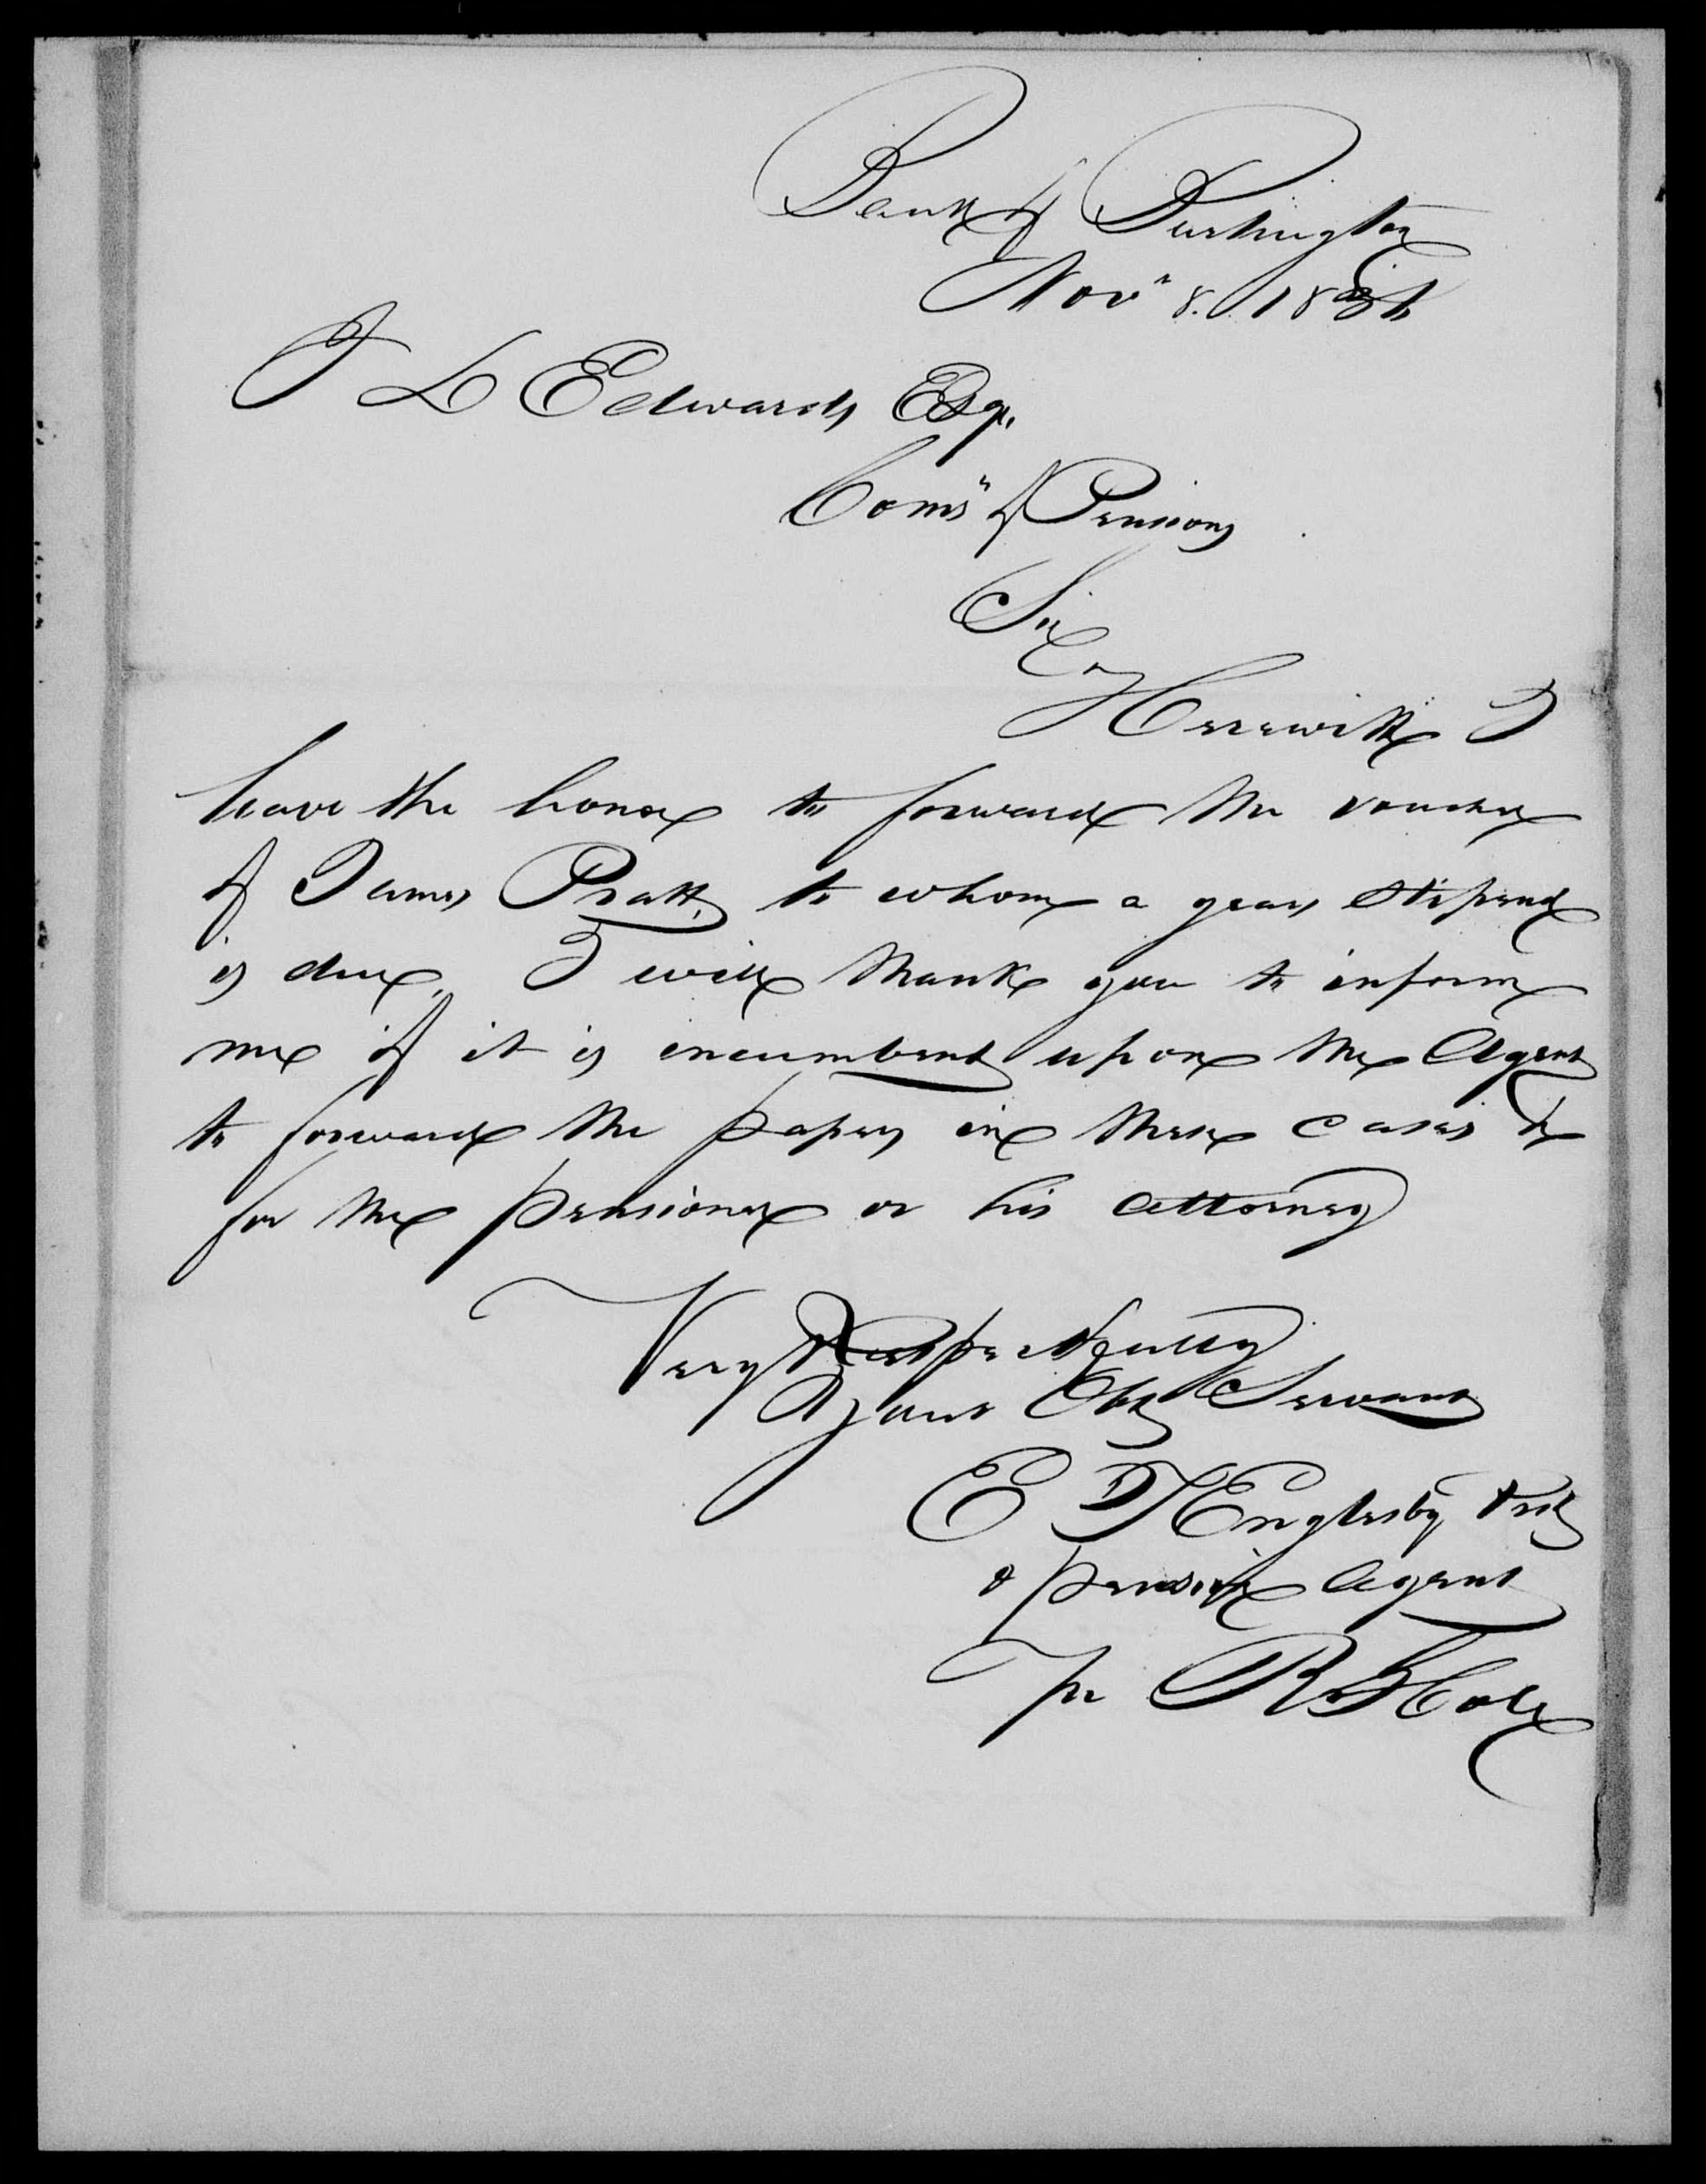[ ] 
Nov 8 1838
J L Edwards Eqs
Comms of Pensions
Sir, Herewith I have the honor to forward Mr [ ]
of James Pratt to whom a year's stipend
is due.
I will thank you to inform
me if it is incumbent upon Mr [ ]
to forward the papers in these cases
for the pensioner or his attorney

Very Respectfully
your obt servant
E T Englesby Pro'y & Pension Agent [for R B Cole]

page: 26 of 29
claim: survivor's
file: S. 14,222, for James Pratt, Vermont